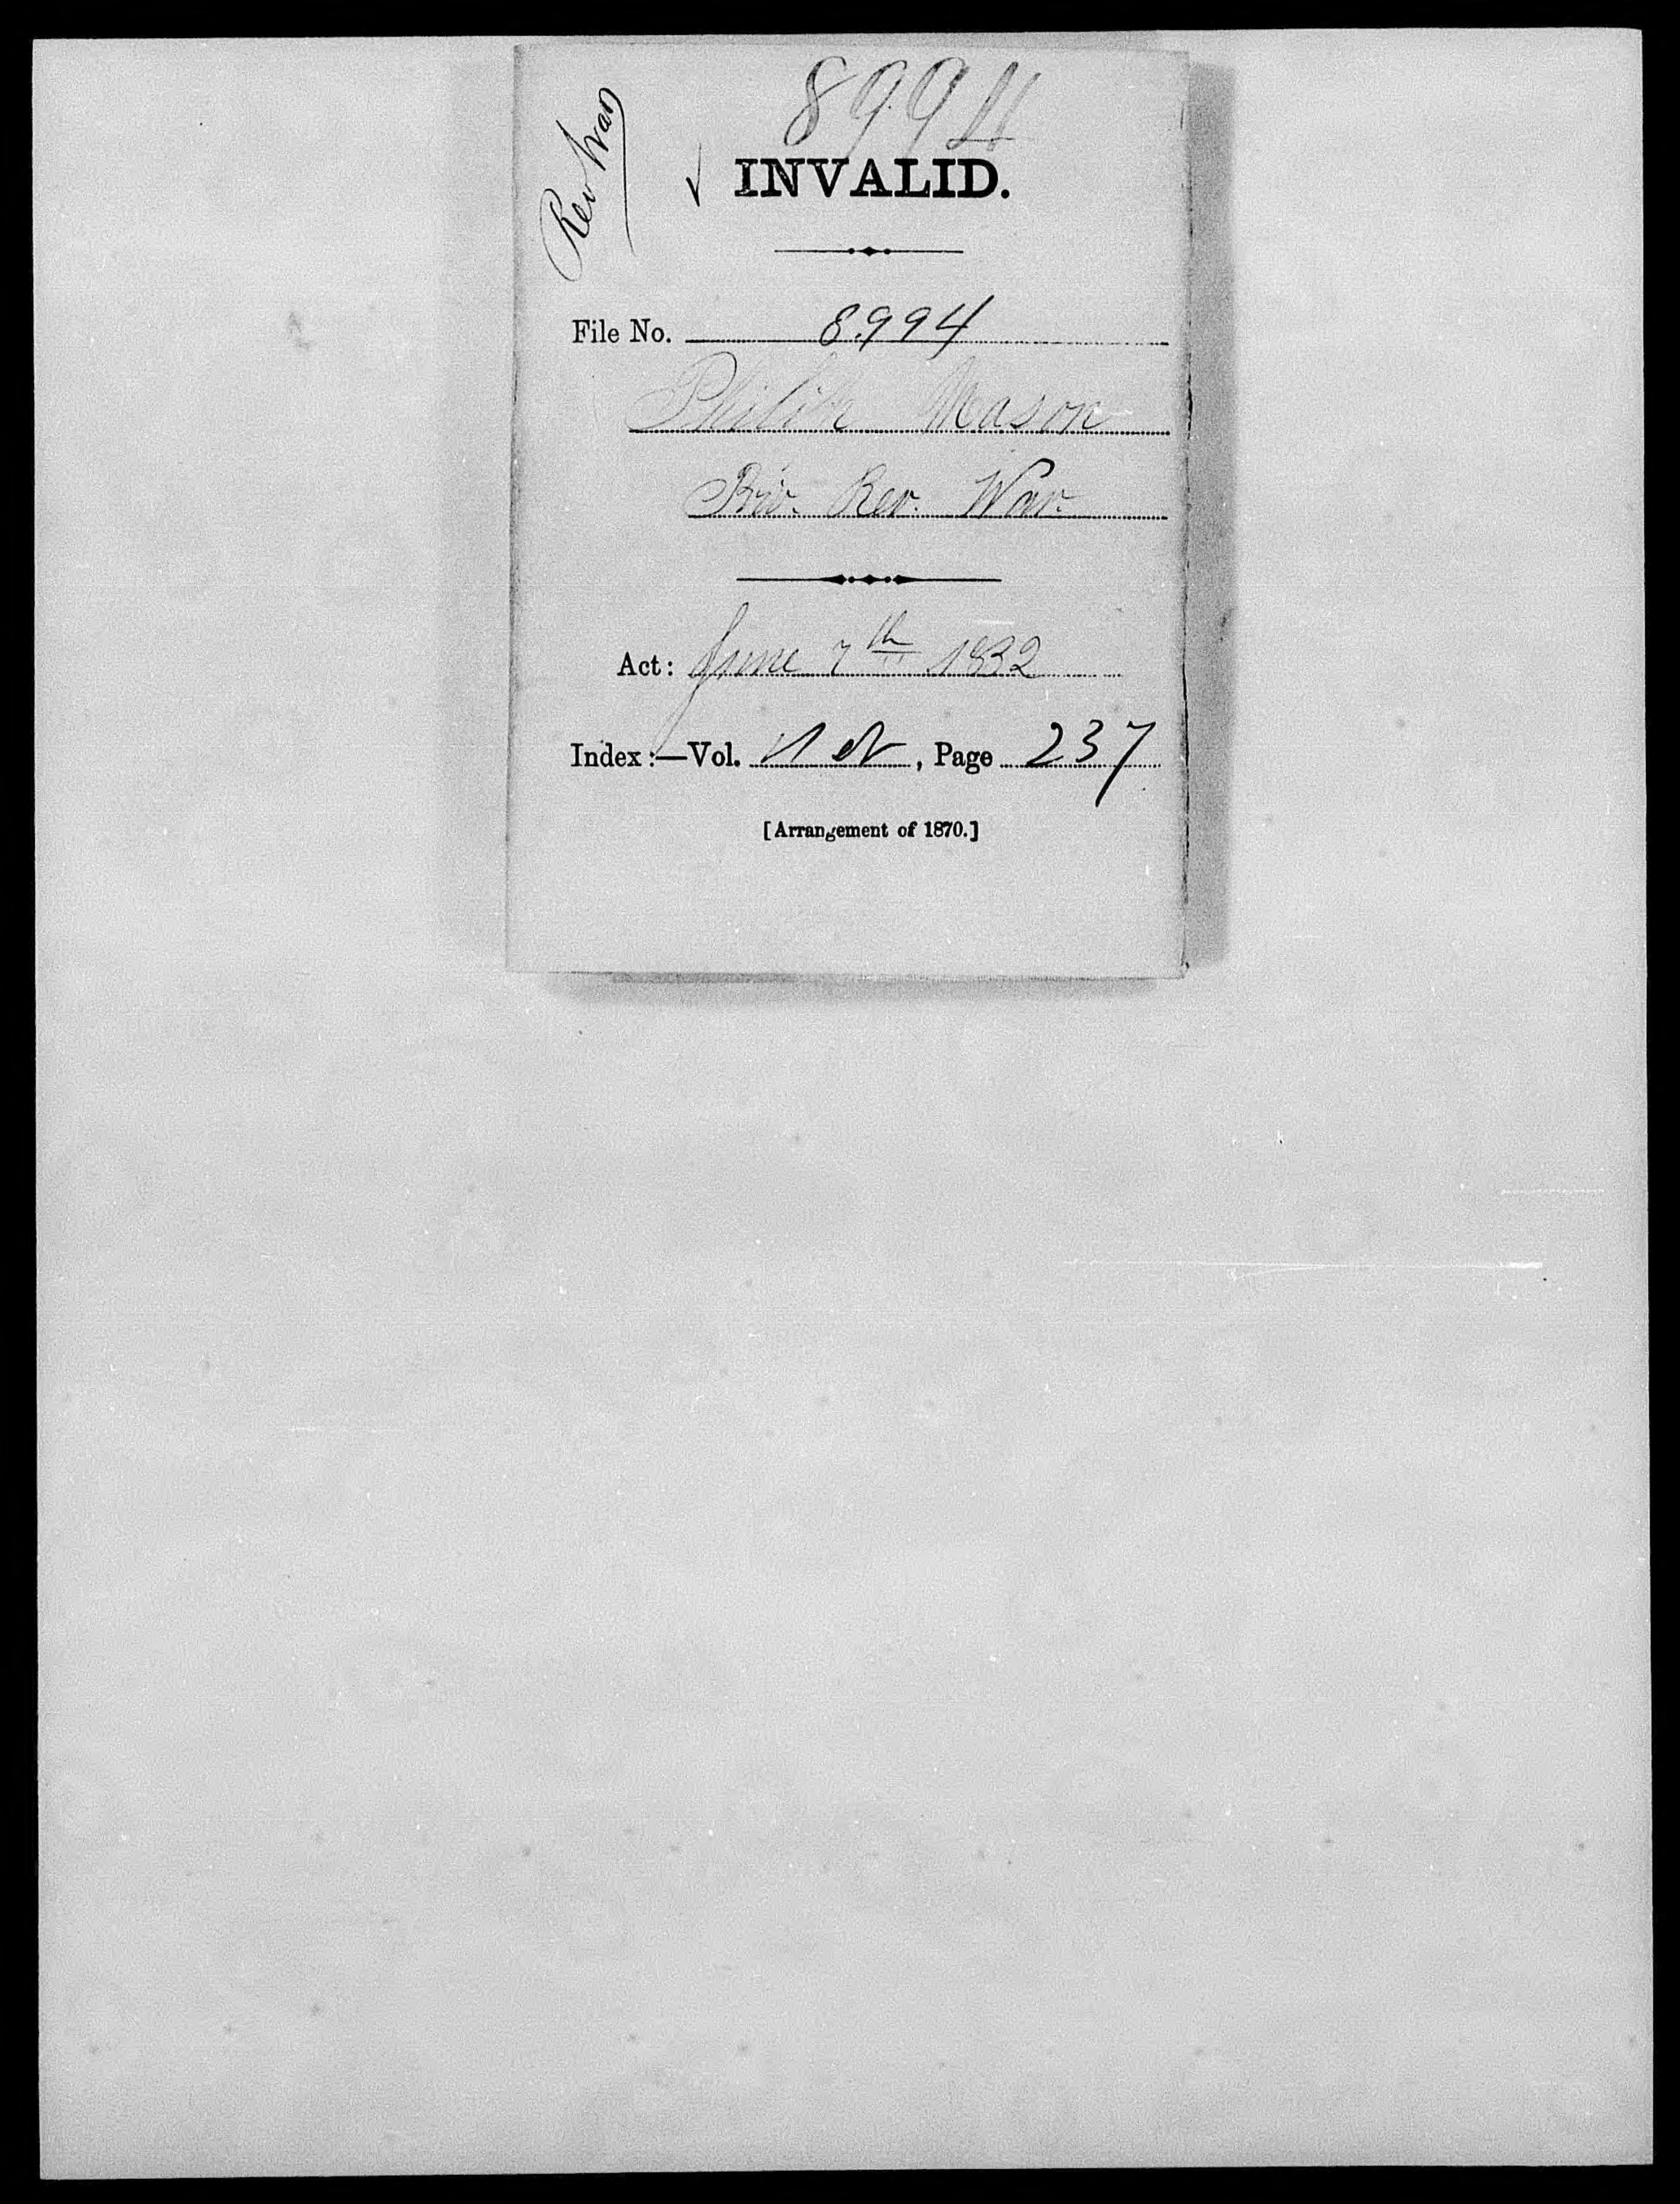8994
Illegible INVALID.
File No. 8994
Philip Mason
Priv. Rev. War
Act: June 7th 1832
Index:--Vol. Illegible, Page 237
[Arrangement of 1870.]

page: 11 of 18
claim: survivor's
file: S. 8,994, for Philip Mason, North Carolina